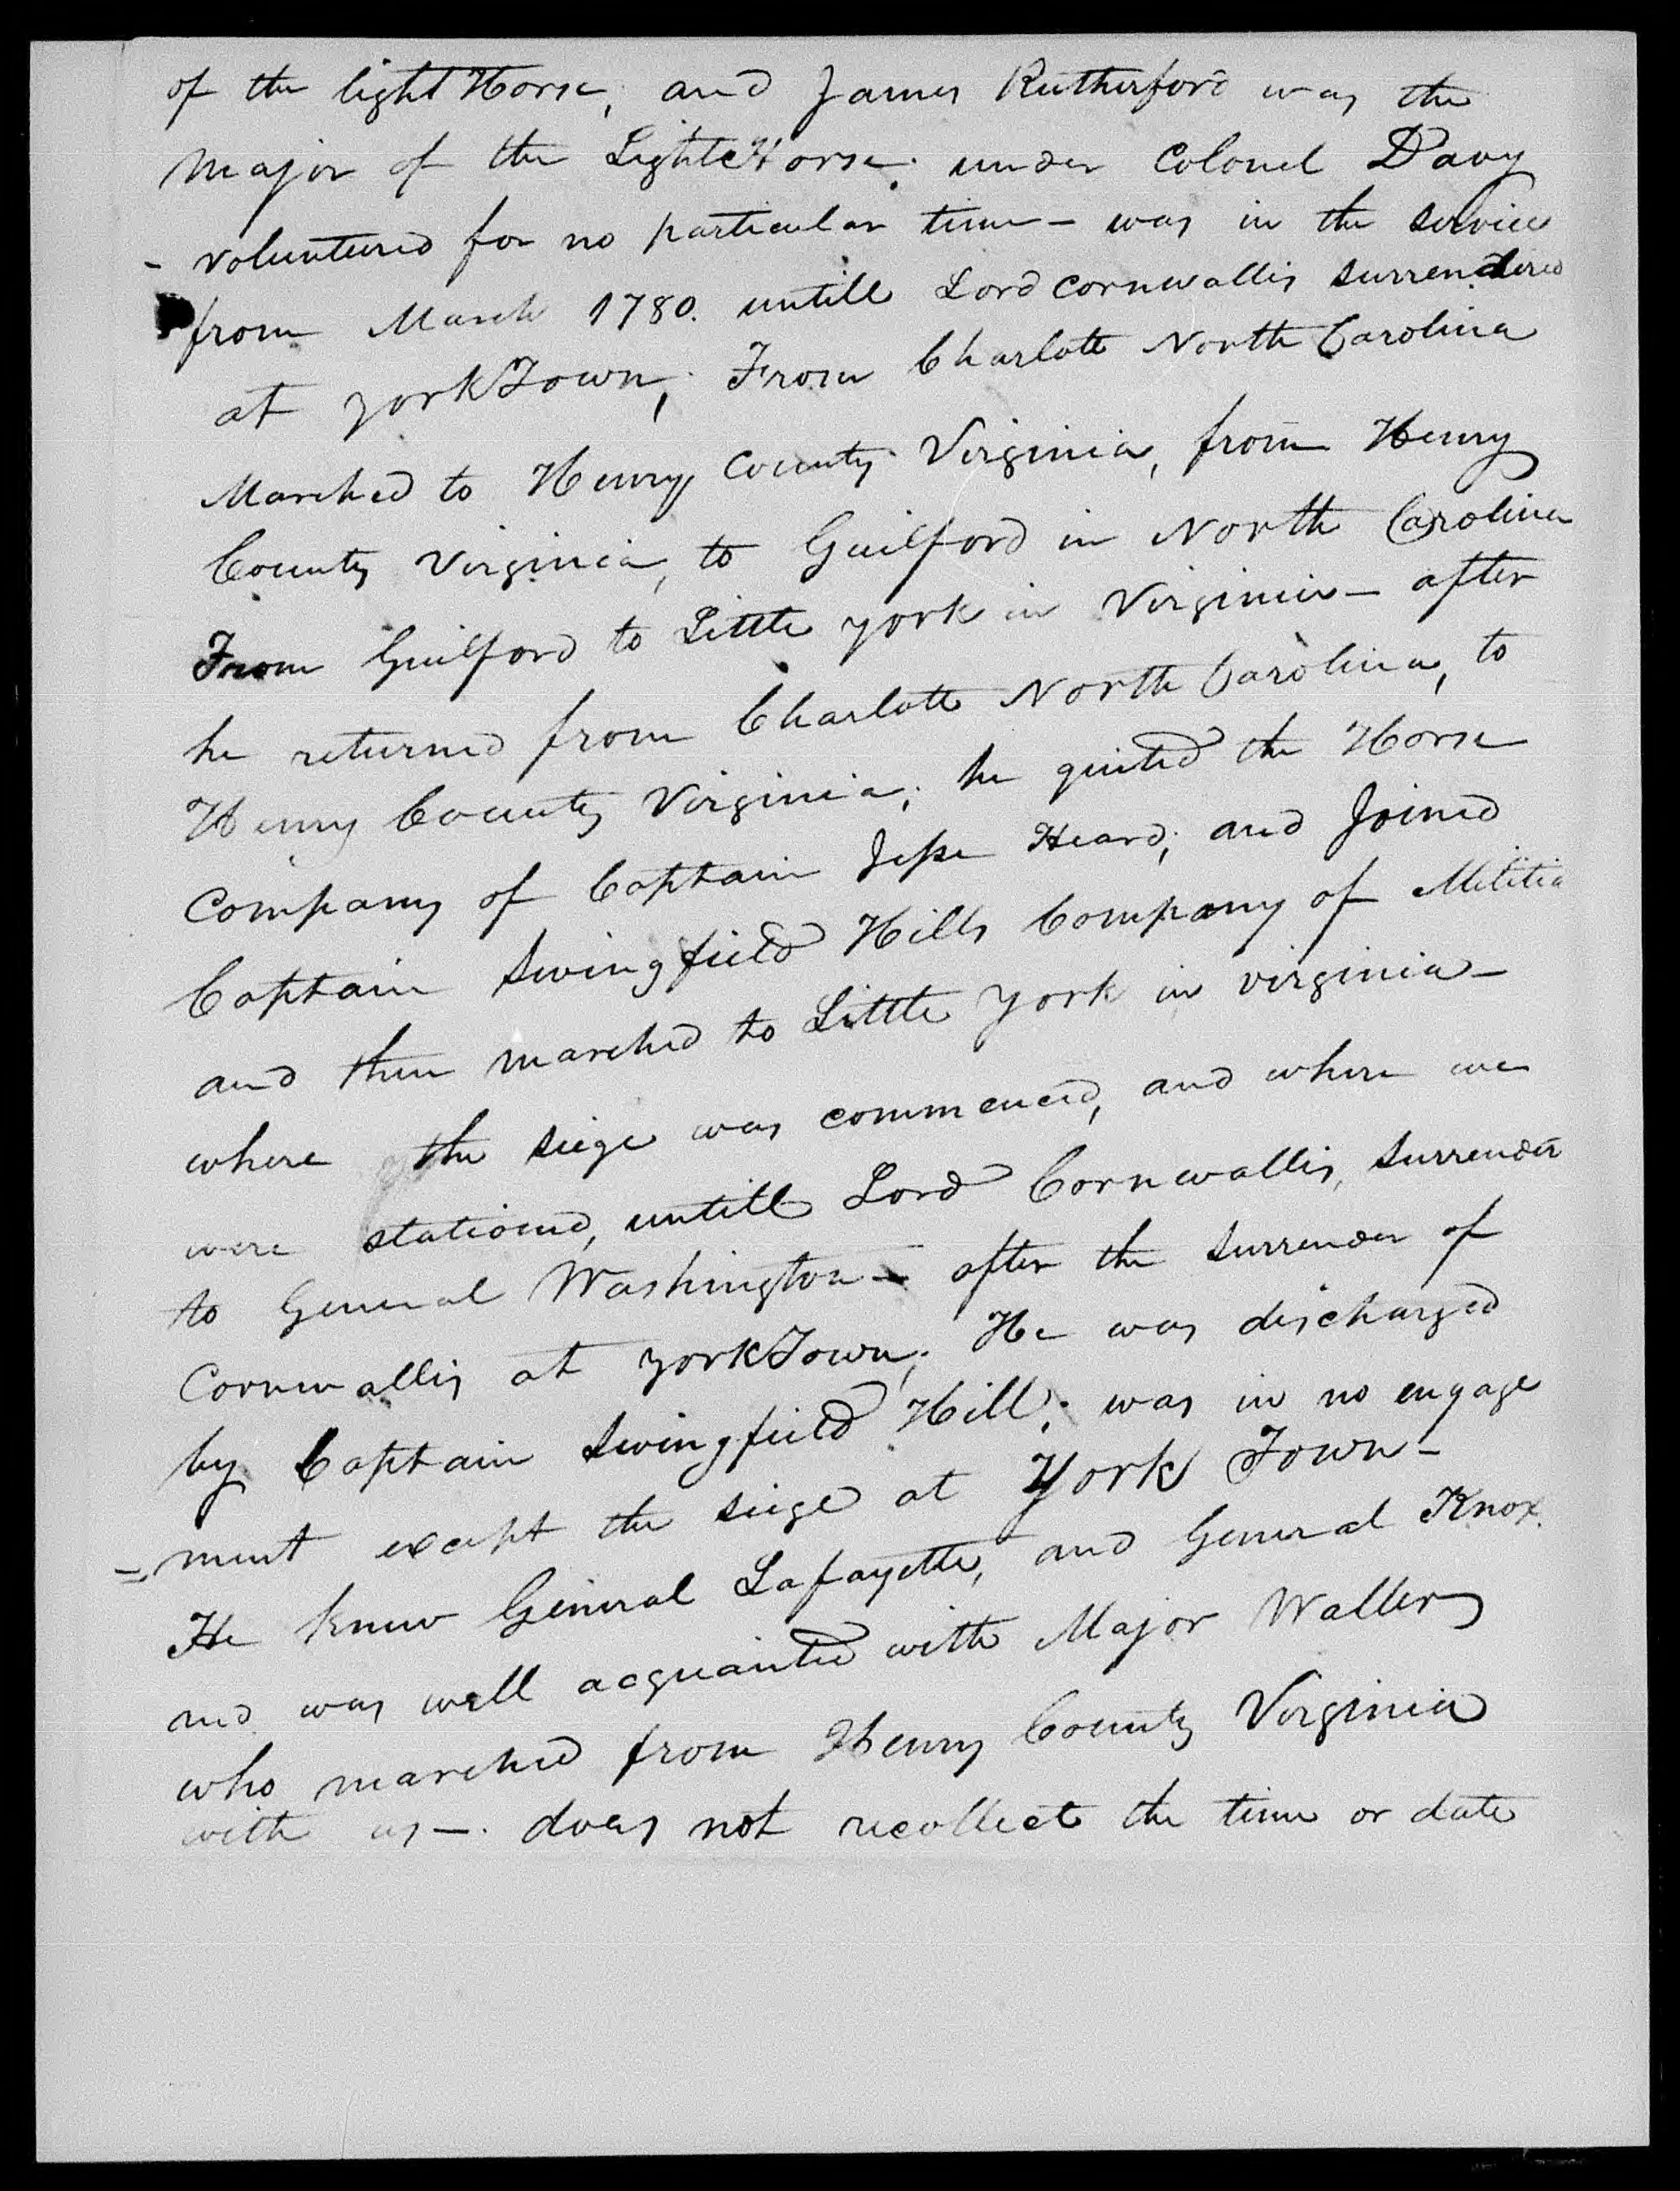of the light Horse, and James Rutherford was the major of the Light Horse under Colonel Davy volunteered for no particular time was in the service from March 1780 until Lord Cornwallis surrendered at York Town, From
Charlote [Charlotte] North Carolina Marched to Henry County Virginia, from Henry County Virginia, to Guilford in North Carolina From Guilford to Little York in Virginia after he returned from Charlote [Charlotte] North Carolina, to Henry County Virginia, he quited the Horse company of Captain Jesse Heard, and Joined Swingfield Hills Company of Militia
and then marched to Little York in Virginia where the same siege was commenced, and where we were stationed, untill Lord Cornwallis surrender to General Washington after the surrender of Cornwallis at York Town; He was discharged by Captain Swingfield Hill; was in no engagement except the siege at York Town He knew General Lafayette, and General Knox and was well acquainted with Major Waller who marched from Henry County Virginia with us does not recollect the time or date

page: 6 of 55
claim: widow's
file: W. 7894, for John Jenkins, Virginia